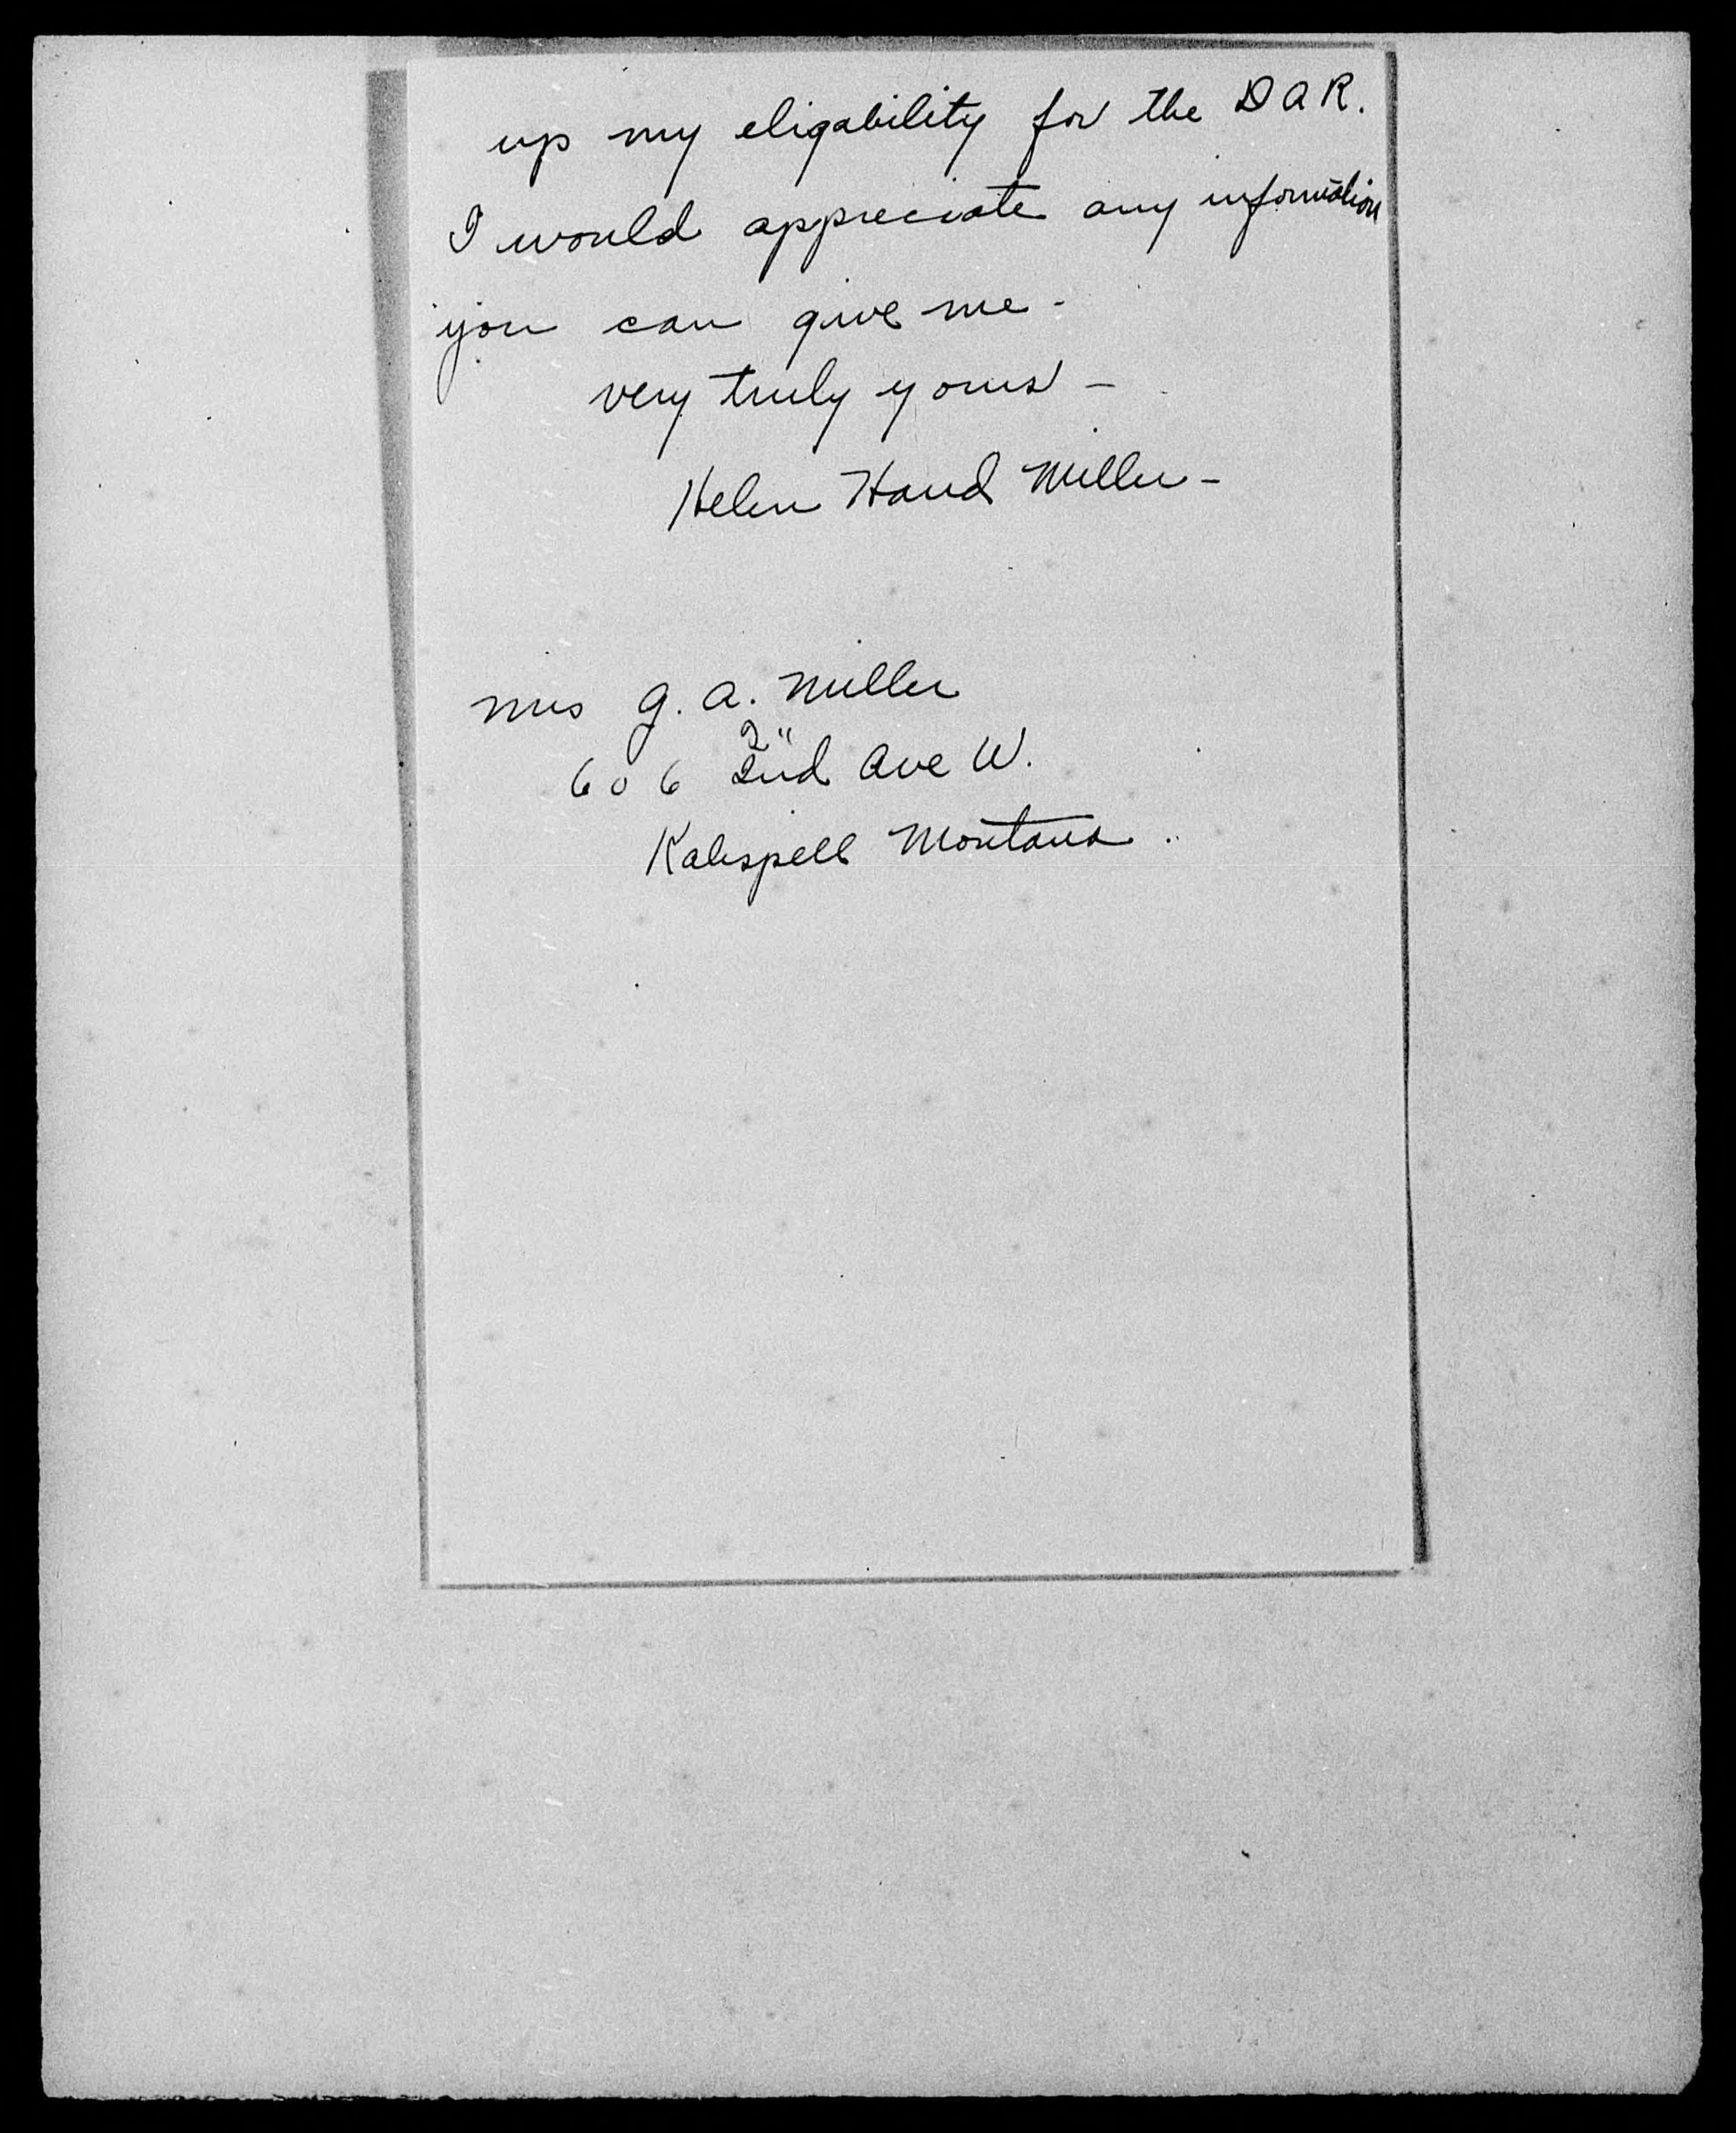up my eligability for the DAR.
I would appreciate any information you can give me.  

Very truly yours
Helen Hand Miller

Mrs. GA Miller
606 Ind Ave W
Kalispell Montana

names: Helen Hand Miller, G A Miller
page: 20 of 42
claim: widow's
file: W. 19,722, Ira Hand, N.H. Vt.